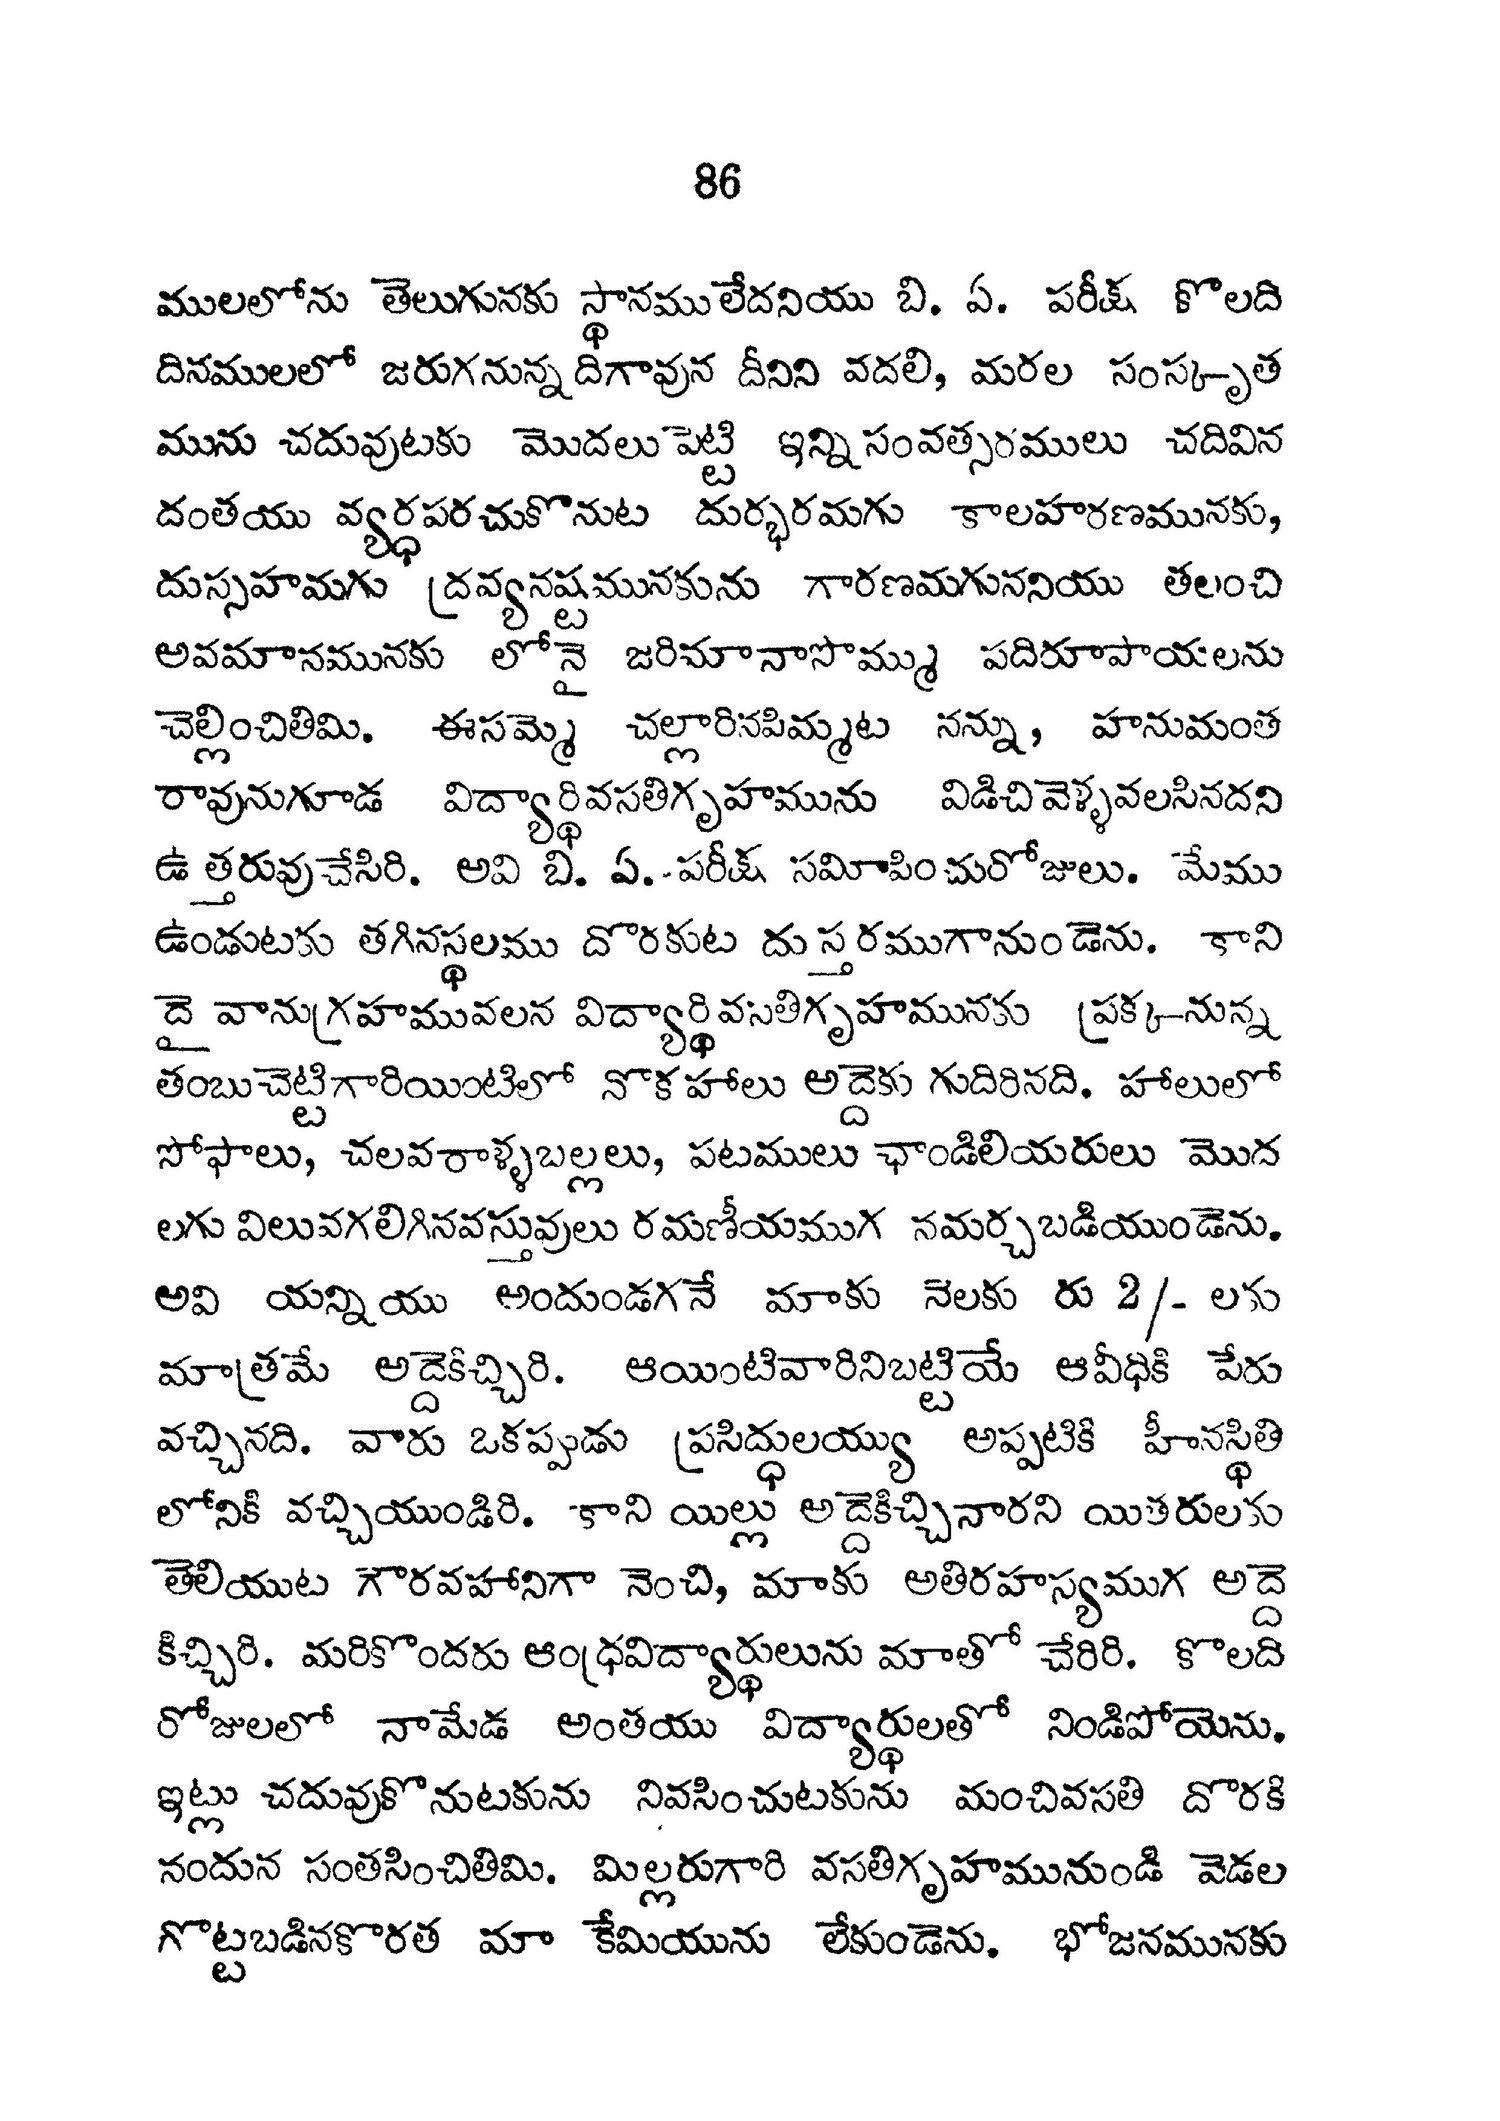ములలోను తెలుగునకు స్థానములేదనియు బి. ఏ. పరీక్ష కొలది దినములలో జరుగనున్నదిగావున దీనిని వదలి, మరల సంస్కృతమును చదువుటకు మొదలుపెట్టి ఇన్నిసంవత్సరములు చదివిన దంతయు వ్యర్ధపరచుకొనుట దుర్భరమగు కాలహరణమునకు, దుస్సహమగు ద్రవ్యనష్టమునకును గారణమగుననియు తలంచి అవమానమునకు లోనై జరిమానాసొమ్ము పదిరూపాయలను చెల్లించితిమి. ఈసమ్మె చల్లారినపిమ్మట నన్ను, హనుమంతరావునుగూడ విద్యార్థివసతిగృహమును విడిచివెళ్ళవలసినదని ఉత్తరువుచేసిరి. అవి బి. ఏ. పరీక్ష సమీపించురోజులు. మేము ఉండుటకు తగినస్థలము దొరకుట దుస్తరముగానుండెను. కాని దైవానుగ్రహమువలన విద్యార్థివసతిగృహమునకు ప్రక్కనున్న తంబుచెట్టిగారియింటిలో నొకహాలు అద్దెకు గుదిరినది. హాలులో సోఫాలు, చలవరాళ్ళబల్లలు, పటములు ఛాండిలియరులు మొదలగు విలువగలిగినవస్తువులు రమణీయముగ నమర్చబడియుండెను. అవి యన్నియు అందుండగనే మాకు నెలకు రు 2/- లకు మాత్రమే అద్దెకిచ్చిరి. ఆయింటివారినిబట్టియే ఆవీధికి పేరు వచ్చినది. వారు ఒకప్పుడు ప్రసిద్ధులయ్యు అప్పటికి హీనస్థితిలోనికి వచ్చియుండిరి. కాని యిల్లు అద్దెకిచ్చినారని యితరులకు తెలియుట గౌరవహానిగా నెంచి, మాకు అతిరహస్యముగ అద్దెకిచ్చిరి. మరికొందరు ఆంధ్రవిద్యార్థులును మాతో చేరిరి. కొలది రోజులలో నామేడ అంతయు విద్యార్థులతో నిండిపోయెను. ఇట్లు చదువుకొనుటకును నివసించుటకును మంచివసతి దొరకినందున సంతసించితిమి. మిల్లరుగారి వసతిగృహమునుండి వెడలగొట్టబడినకొరత మా కేమియును లేకుండెను. భోజనమునకు